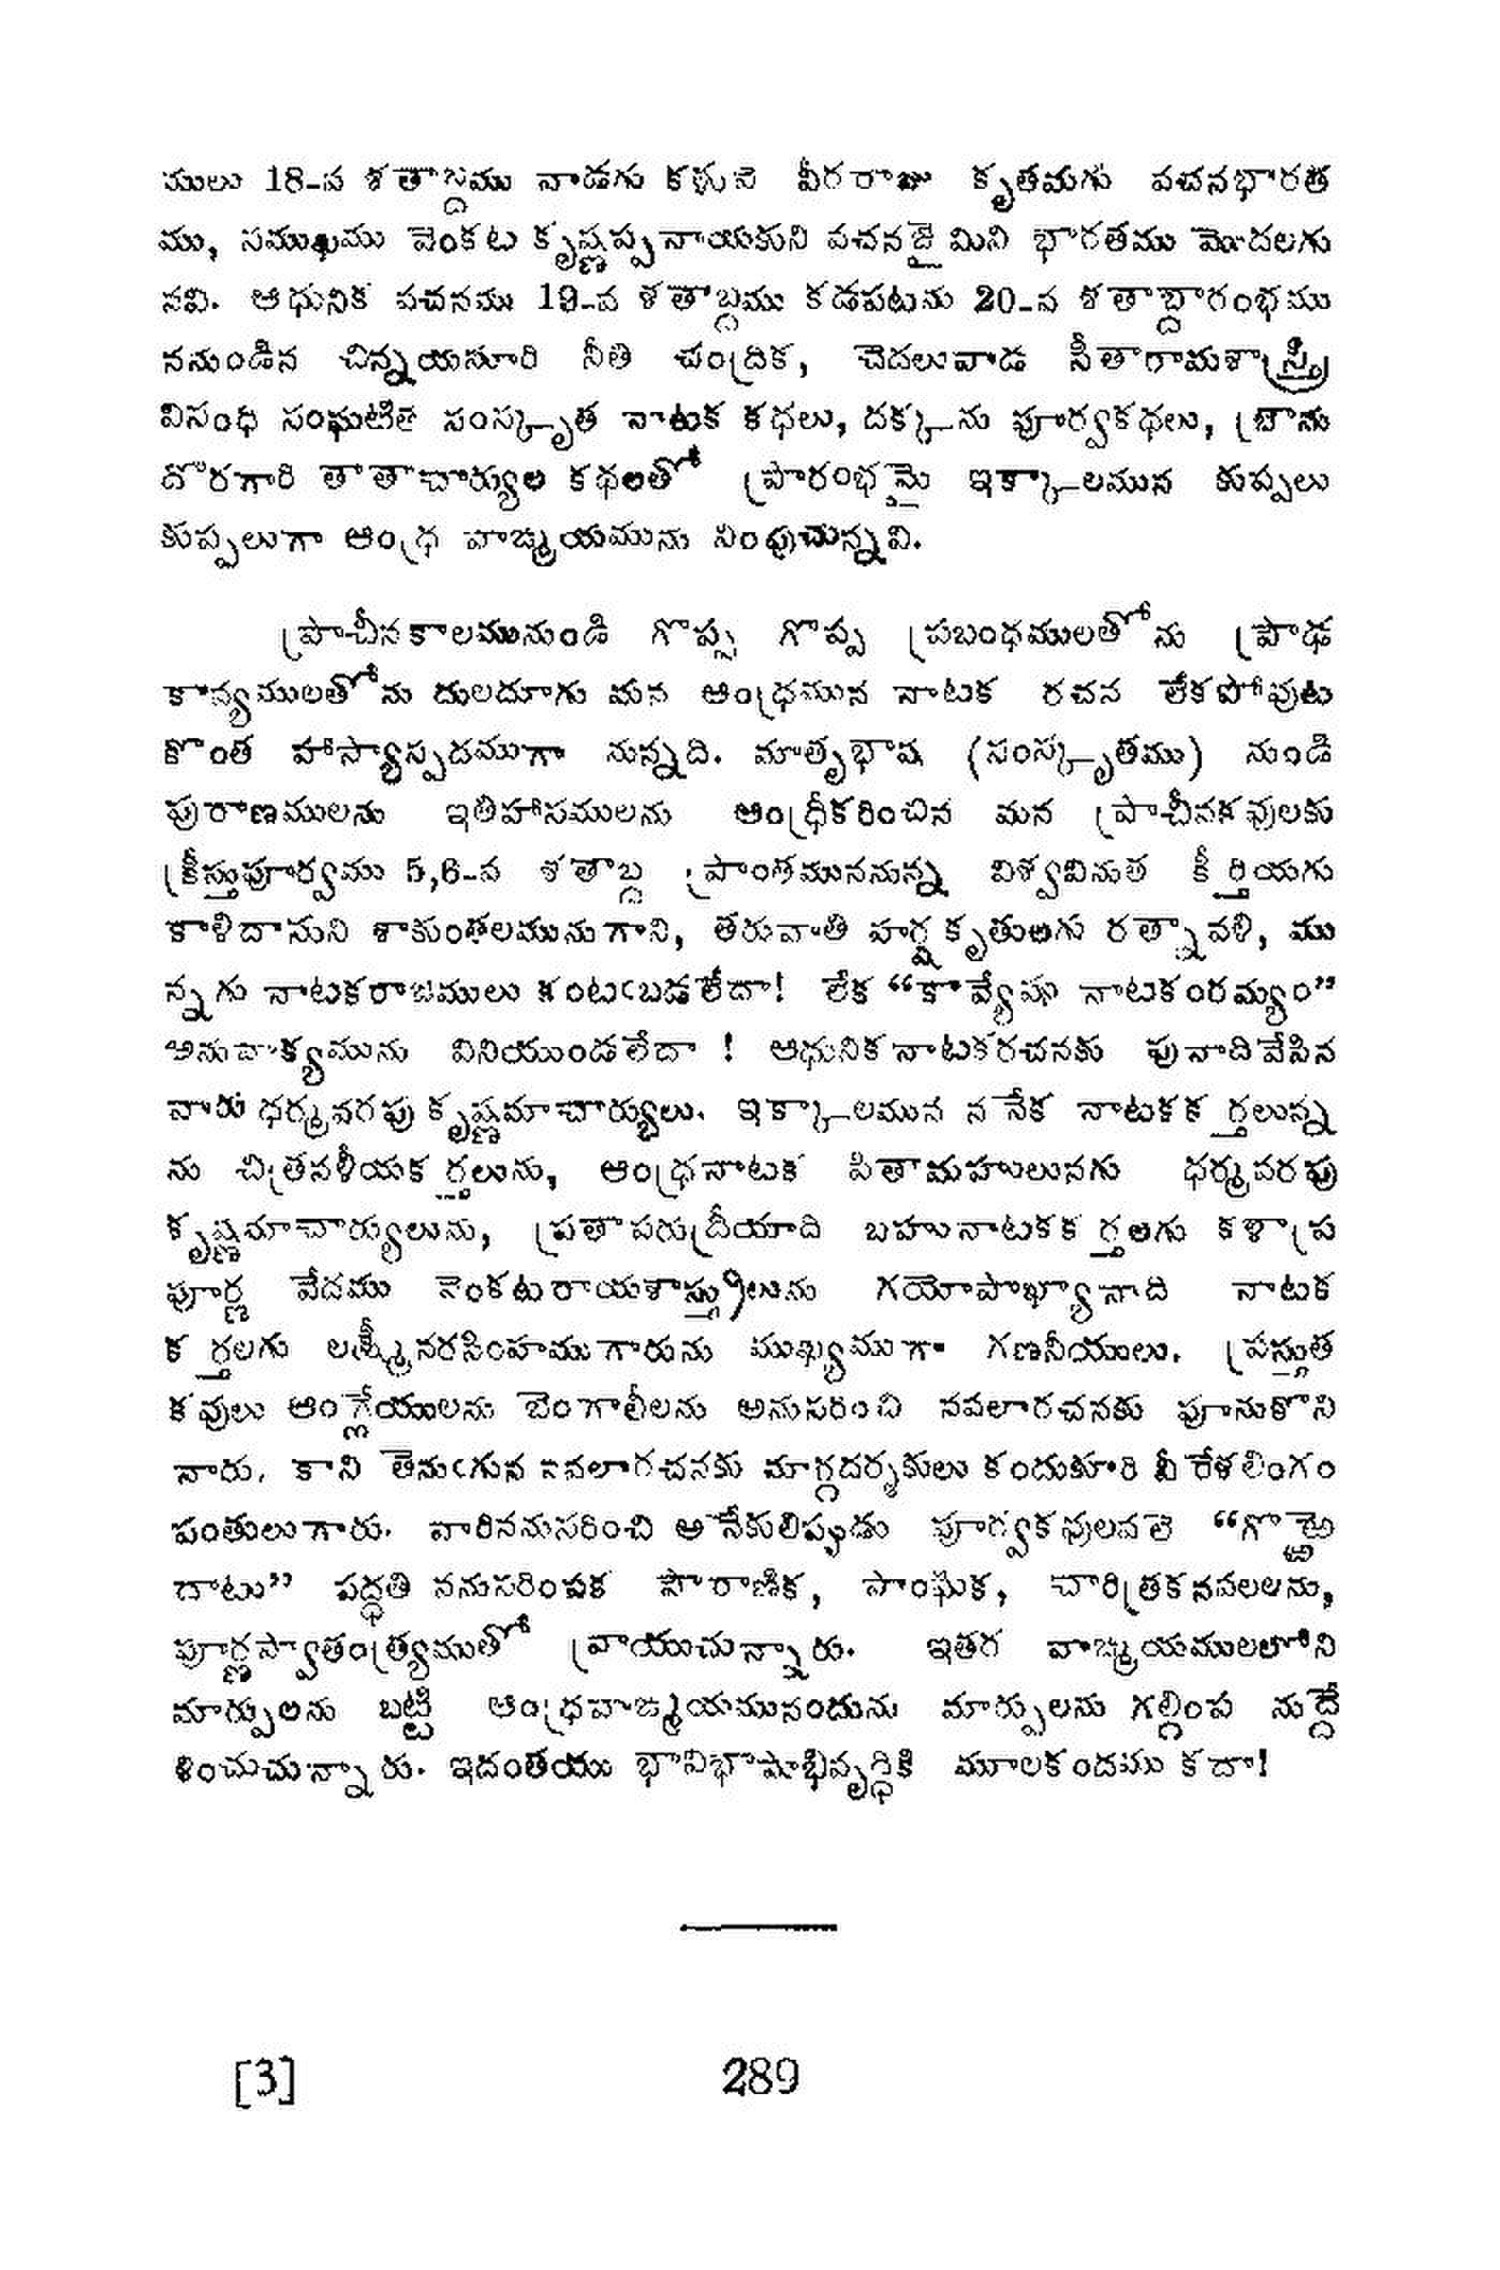ములు 18-వ శతాబ్దము వాడగు కళువె వీరరాజు కృతమగు వచనభారతము, సముఖము వెంకట కృష్ణప్పనాయకుని వచనజైమిని భారతము మొదలగునవి. ఆధునిక వచనము 19-వ శతాభ్దముకడపటను 20 వ శతాంబ్దారంభముననుండిన చిన్నయసూరి నీతి చంద్రిక, చెదలువాడ సీతారామశాస్త్రి విసంధి సంఘటిత సంకృత నాటకకధలు, దక్కను పూర్వకధలు, బ్రౌను దొరగారి తాతాచార్యుల కధలతో ప్రారంభమై ఇక్కాలమున కుప్పలు కుప్పలుగా ఆంధ్ర వాజ్మయమును నింపుచున్నవి.
 
ప్రాచీనకాలమునుండి గొప్ప గొప్ప ప్రబంధములతోను ప్రౌఢకావ్యములతోను దులదూగు మన ఆంధ్రమున నాటక రచన లేకపోవుట కొంత హాస్యాస్పదముగా నున్నది. మాతృభాష (సంసృతము) నుండి పురాణములను ఇతిహాసములను ఆంధ్రీకరించిన మన ప్రాచీనకవులకు క్రీస్తుపూర్వము 5,6-వ శరాబ్ద ప్రాంతమున నున్న విశ్వవినుత కీర్తియగు కాళిదాసుని శాకుంతలమునుగాని, తరువాతి హర్ష కృతులగు తర్నావళి, మున్నగు నాటకరాజములు కంటబడలేదా! లేక "కావ్యేషు నాటకంరమ్యం" అనువాక్యమును వినియుండలేదా! ఆధినిక నాటకరచనకు పునాదివేసిన వారు ధర్మవరపు కృష్ణమాచార్యులు. ఇక్కాలమున ననేక నాటకకర్త లున్నను చిత్రనళీయకర్తలును, ఆంధ్రనాటక పితామహులునగు ధర్మవరపు కృష్ణ మాచార్యులును, ప్రతాపరుద్రీయది బహునాటకకర్తలగు కళాప్రపూర్ణ వేదము వెంకటరాయశాస్త్రులును గయోపాఖ్యానాది నాటక కర్తలగు లక్ష్మీనరసింహము గారును ముఖ్యముగా గణనీయులు, ప్రస్తుత కవులు ఆంగ్లేయులను బెంగాలీలను అనుసరించి నవలారచనకు పూనుకొనినారు. కాని తెనుగున నవలారచనకు మార్గదర్శకులు కందుకూరి వీరేశలింగం పంతులుగారు వారిననుసరించి అనేకు లిప్పుడు పూర్వకవులవలె "గొఱ్ఱెదాటు" పద్దతి ననుసరింపక పౌరాణిక, సాంఘిక చారిత్రకనవలలను, పూర్ణస్వాతంత్ర్యముతో వ్రాయుచున్నారు. ఇతర వాజ్మయము లలోని మార్పులను బట్టి ఆంధ్రవాజ్మయమునందును మార్పులను గల్గింప నుద్దే శించుచున్నారు. ఇదంతయు భావిభాషాభివృద్దికి మూలకందము కదా!